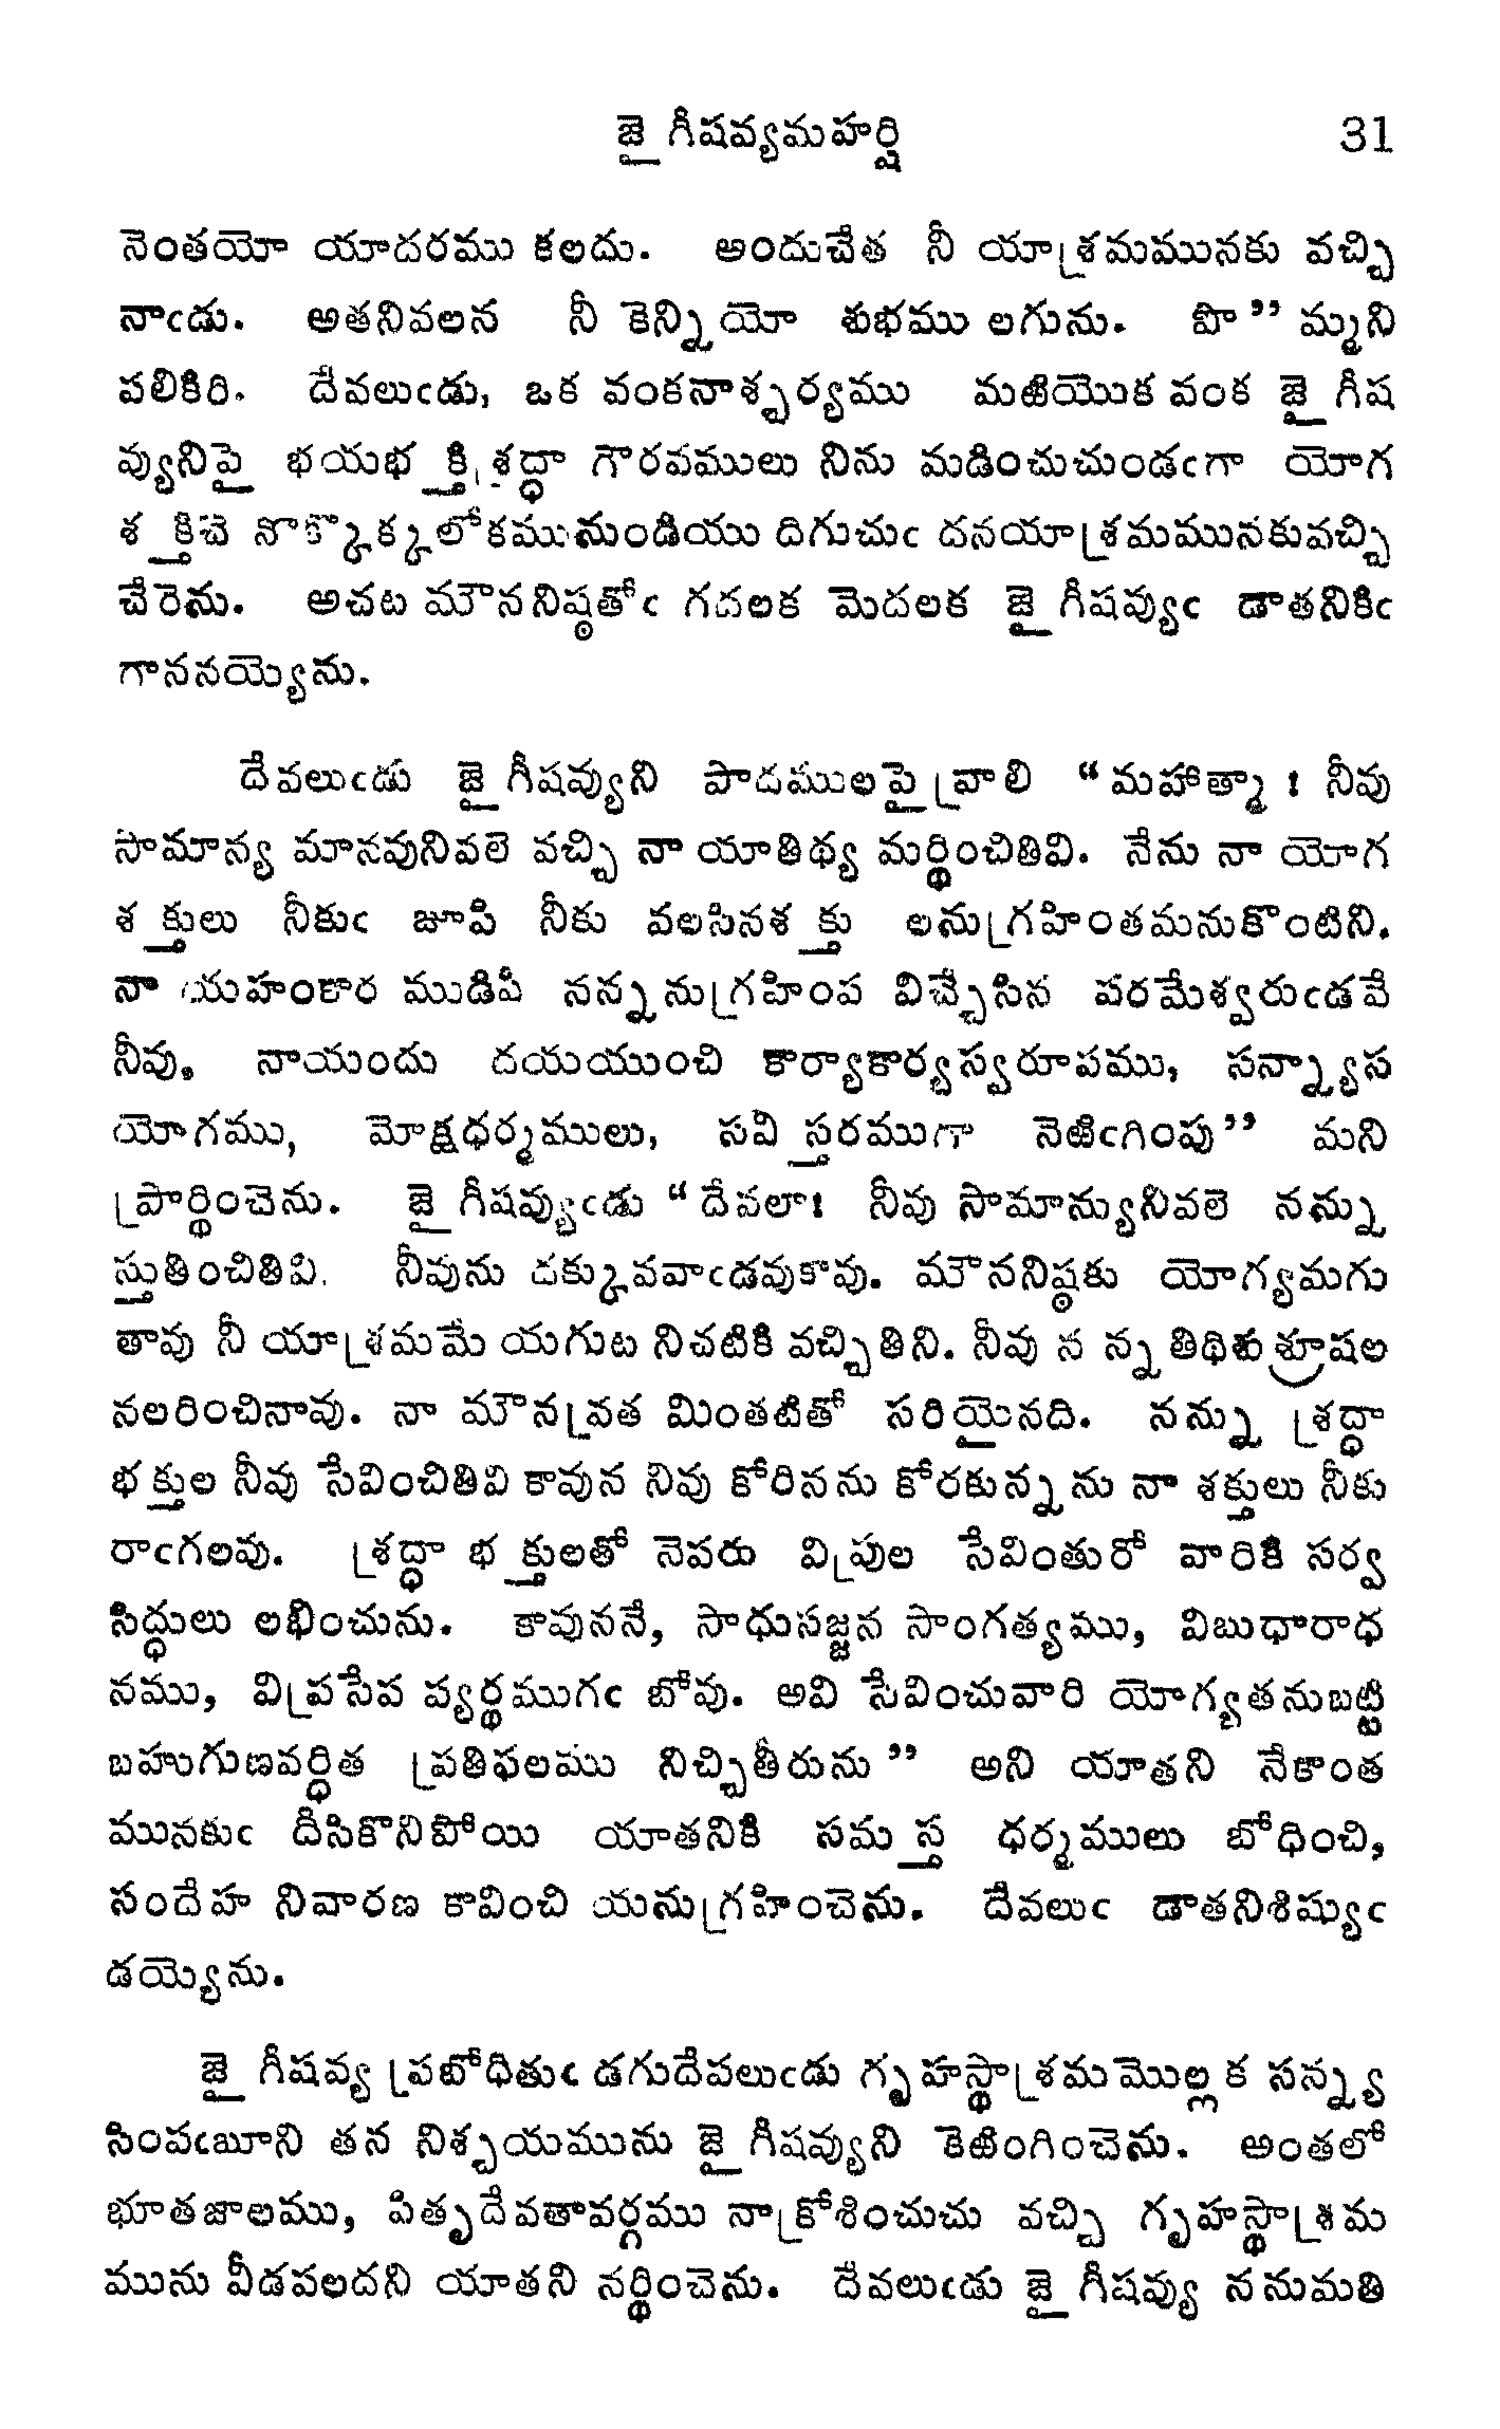నెంతయో యాదరము కలదు. అందుచేత నీ యాశ్రమమునకు వచ్చినాఁడు. అతనివలన నీ కెన్నియో శుభము లగును. పొ”మ్మని పలికిరి. దేవలుఁడు, ఒక వంకనాశ్చర్యము మఱియొక వంక జై గీషవ్యునిపై భయభక్తిశ్రద్ధా గౌరవములు నిను మడించుచుండఁగా యోగశక్తిచే నొక్కొక్కలోకము నుండియు దిగుచుఁ దనయాశ్రమమునకువచ్చి చేరెను. అచట మౌననిష్ఠతోఁ గదలక మెదలక జై గీషవ్యుఁ డాతనికిఁ గాననయ్యెను.

దేవలుఁడు జై గీషవ్యుని పాదములపై వ్రాలి " మహాత్మా ! నీవు సామాన్య మానవునివలె వచ్చి నా యాతిథ్య మర్థించితివి. నేను నా యోగశక్తులు నీకుఁ జూపి నీకు వలసినశక్తు లనుగ్రహింతమనుకొంటిని. నా యహంకార ముడిపి నన్ననుగ్రహింప విచ్చేసిన పరమేశ్వరుఁడవే నీవు. నాయందు దయయుంచి కార్యాకార్యస్వరూపము, సన్న్యాస యోగము, మోక్షధర్మములు, సవిస్తరముగా నెఱిఁగింపు" మని ప్రార్థించెను. జై గీషవ్యుఁడు "దేవలా! నీవు సామాన్యునివలె నన్ను స్తుతించితివి. నీవును దక్కువవాఁడవుకావు. మౌననిష్ఠకు యోగ్యమగు తావు నీ యాశ్రమమే యగుట నిచటికి వచ్చితిని. నీవు న న్న తిథిశుశ్రూషల నలరించినావు. నా మౌనవ్రత మింతటితో సరియైనది. నన్ను శ్రద్ధాభక్తుల నీవు సేవించితివి కావున నీవు కోరినను కోరకున్నను నా శక్తులు నీకు రాఁగలవు. శ్రద్ధా భక్తులతో నెవరు విప్రుల సేవింతురో వారికి సర్వసిద్ధులు లభించును. కావుననే, సాధుసజ్జన సాంగత్యము, విబుధారాధనము, విప్రసేవ వ్యర్థముగఁ బోవు. అవి సేవించువారి యోగ్యతనుబట్టి బహుగుణవర్ధిత ప్రతిఫలము నిచ్చితీరును" అని యాతని నేకాంతమునకుఁ దీసికొని పోయి యాతనికి సమస్త ధర్మములు బోధించి, సందేహ నివారణ కావించి యనుగ్రహించెను. దేవలుఁ డాతనిశిష్యుఁ డయ్యెను.

జై గీషవ్య ప్రబోధితుఁ డగుదేవలుఁడు గృహస్థాశ్రమమొల్లక సన్న్యసింపఁబూని తన నిశ్చయమును జై గీషవ్యుని కెఱింగించెను. అంతలో భూతజాలము, పితృదేవతావర్గము నాక్రోశించుచు వచ్చి గృహస్థాశ్రమమును వీడవలదని యాతని నర్థించెను. దేవలుఁడు జై గీషవ్యు ననుమతి